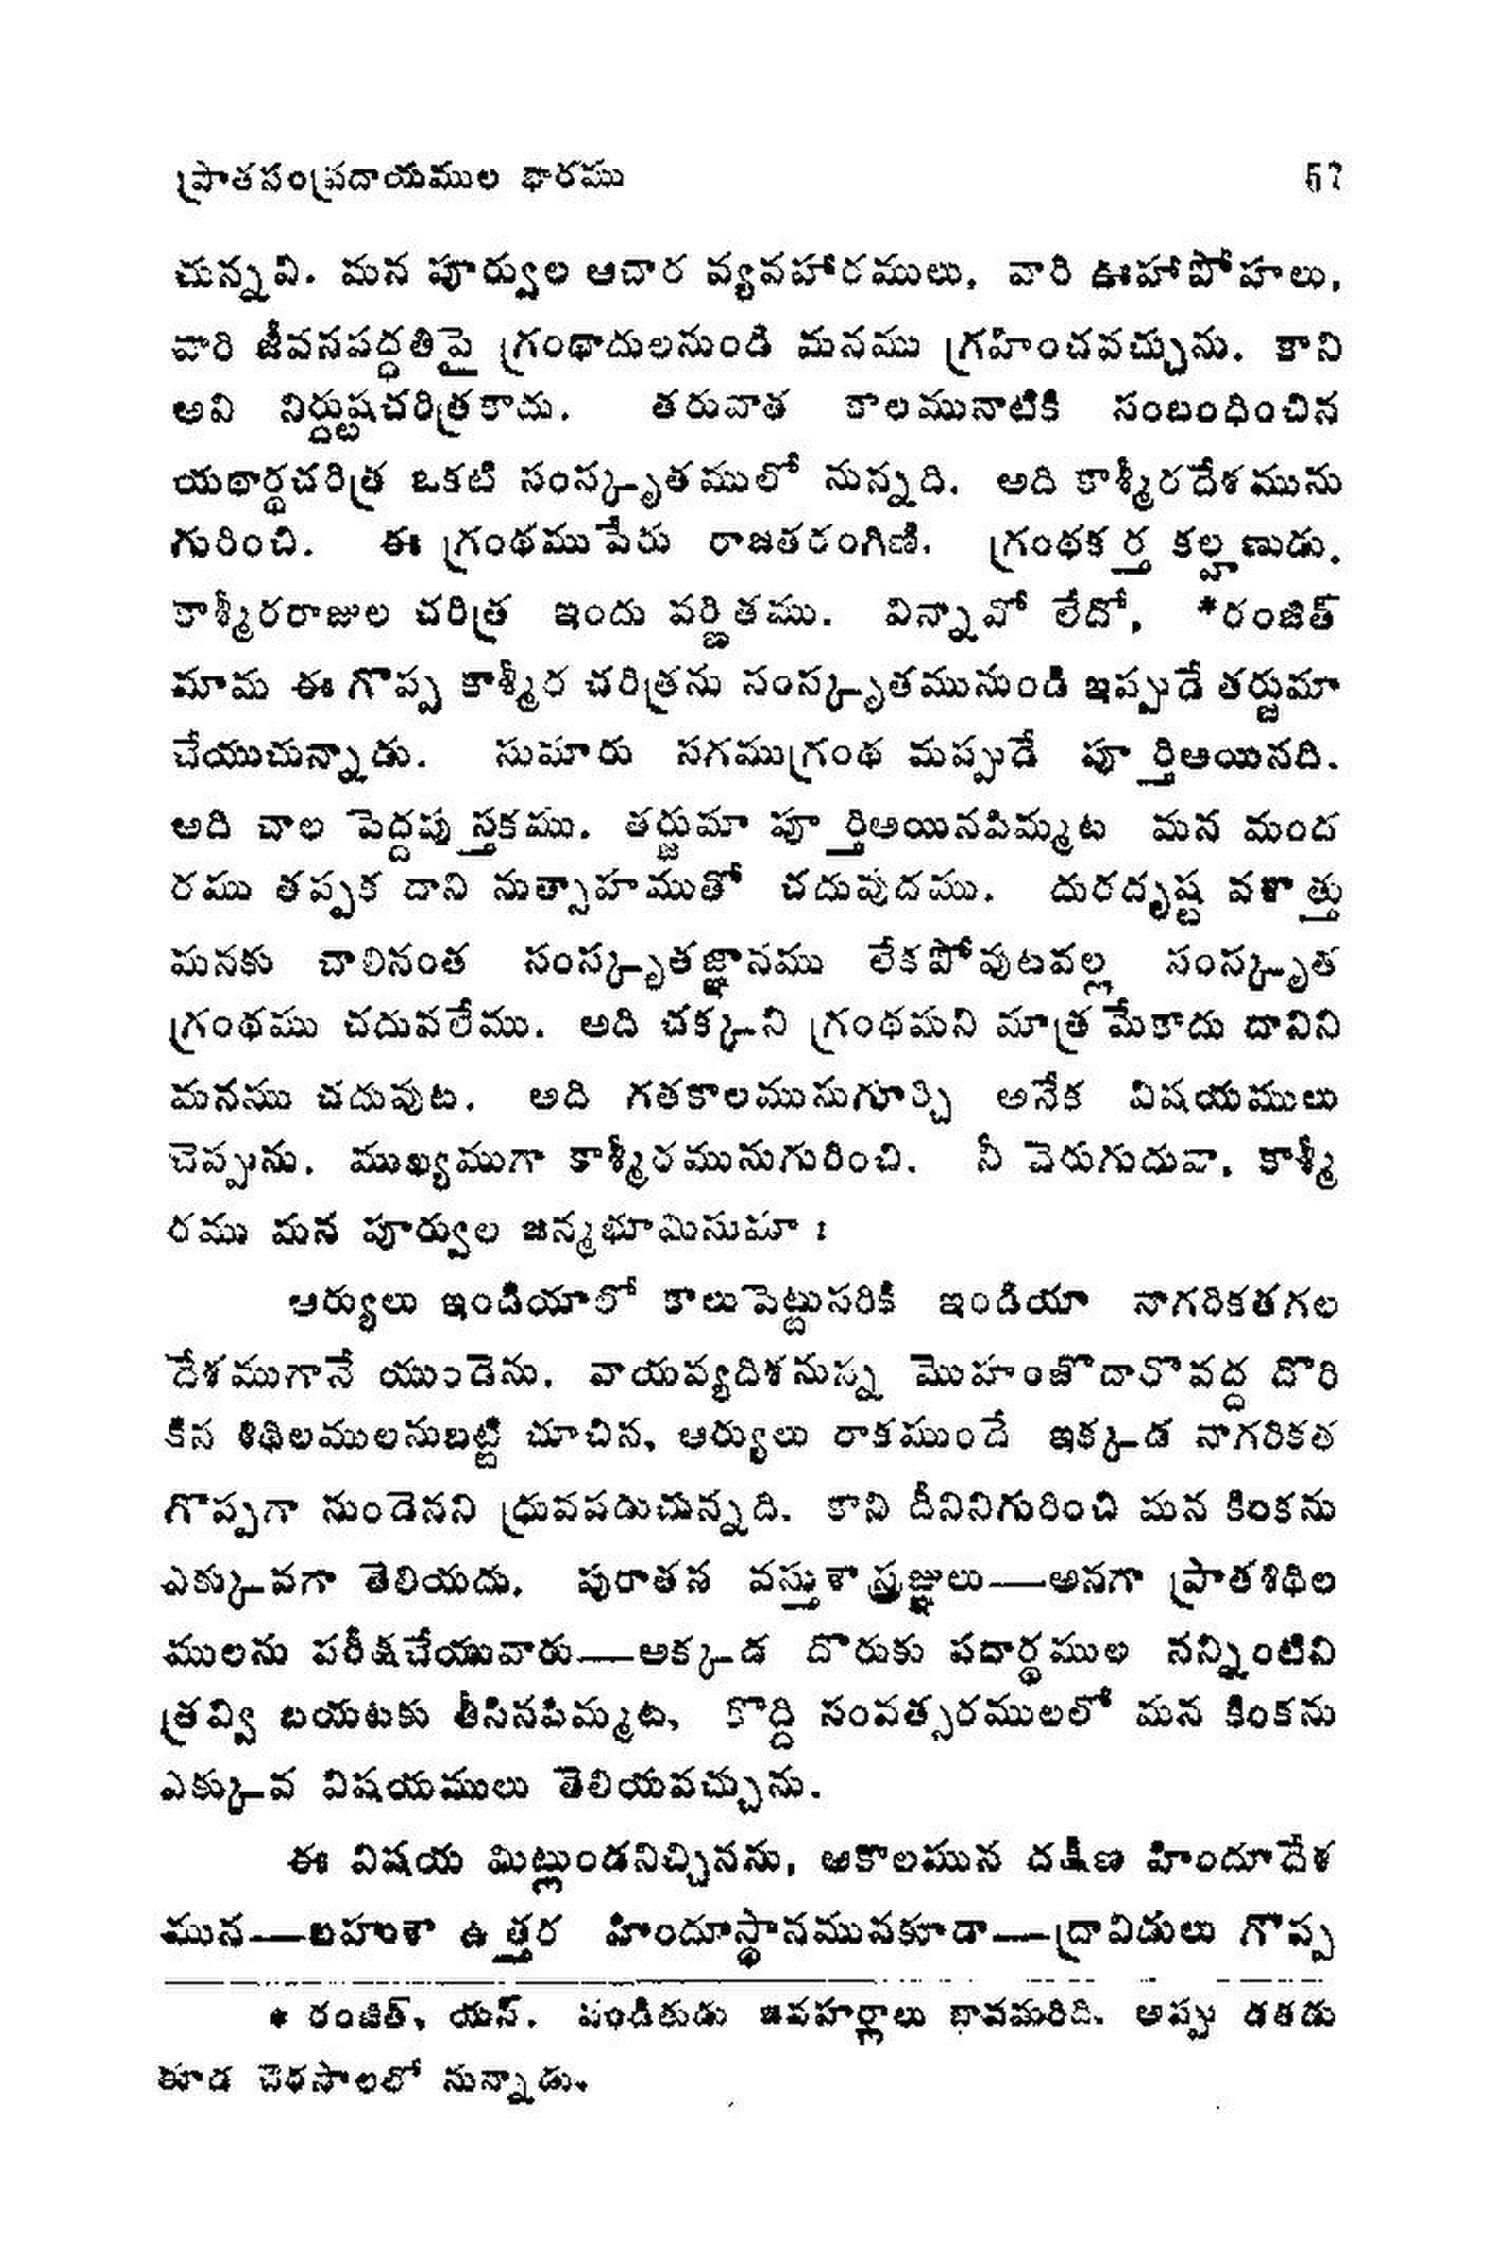చున్నవి. మన పూర్వుల ఆచార వ్యవహారములు, వారి ఊహాపోహలు, వారి జీవనపద్దతిపై గ్రంథాదులనుండి మనము గ్రహించవచ్చును. కాని అవి నిర్దుష్టచరిత్రకాదు. తరువాత కాలమునాటికి సంబంధించిన యథార్థచరిత్ర ఒకటి సంస్కృతములో నున్నది. అది కాశ్మీరదేశమును గురించి. ఈ గ్రంథముపేరు రాజతరంగిణి. గ్రంథకర్త కల్హణుడు. కాశ్మీరరాజుల చరిత్ర ఇందు వర్ణితము. విన్నావో లేదో, రంజిత్ మామ ఈ గొప్ప కాశ్మీర చరిత్రను సంస్కృతమునుండి ఇప్పుడే తర్జుమా చేయుచున్నాడు. సుమారు సగముగ్రంథ మప్పుడే పూర్తిఆయనది. అది చాల పెద్దపుస్తకము. తర్జుమా పూర్తిఅయినపిమ్మట మన మందరము తప్పక దాని నుత్సాహముతో చదువుదము. దురదృష్ట వశాత్తు మనకు చాలినంత సంస్కృతజ్ఞానము లేకపోవుటవల్ల సంస్కృత గ్రంథము చదువలేము. అది చక్కని గ్రంథమని మాత్రమేకాదు దానిని మనము చదువుట, అది గతకాలమునుగూర్చి అనేక విషయములు చెప్పును. ముఖ్యముగా కాశ్మీరమునుగురించి, నీ వెరుగుదువా. కాశ్మీరము మన పూర్వుల జన్మభూమిసుమా !

ఆర్యులు ఇండియాలో కాలు పెట్టుసరికి ఇండియా నాగరికతగల దేశముగానే యుండెను. వాయవ్యదిశనున్న మొహంజొదారొవద్ద దొరికిన శిథిలములనుబట్టి చూచిన, ఆర్యులు రాకముందే ఇక్కడ నాగరికత గొప్పగా నుండెనని ధ్రువపడుచున్నది. కాని దీనినిగురించి మన కింకను ఎక్కువగా తెలియదు. పురాతన వస్తు శాస్త్రజ్ఞులు — అనగా ప్రాతశిథిలములను పరీక్ష చేయువారు - అక్కడ దొరుకు పదార్థముల నన్నింటిని త్రవ్వి బయటకు తీసినపిమ్మట, కొద్ది సంవత్సరములలో మన కింకను ఎక్కువ విషయములు తెలియవచ్చును.

ఈ విషయ మిట్లుండనిచ్చినను, ఆకాలమున దక్షిణ హిందూదేశమున-బహుశా ఉత్తర హిందూస్థానమునకూడా- ద్రావిడులు గొప్ప